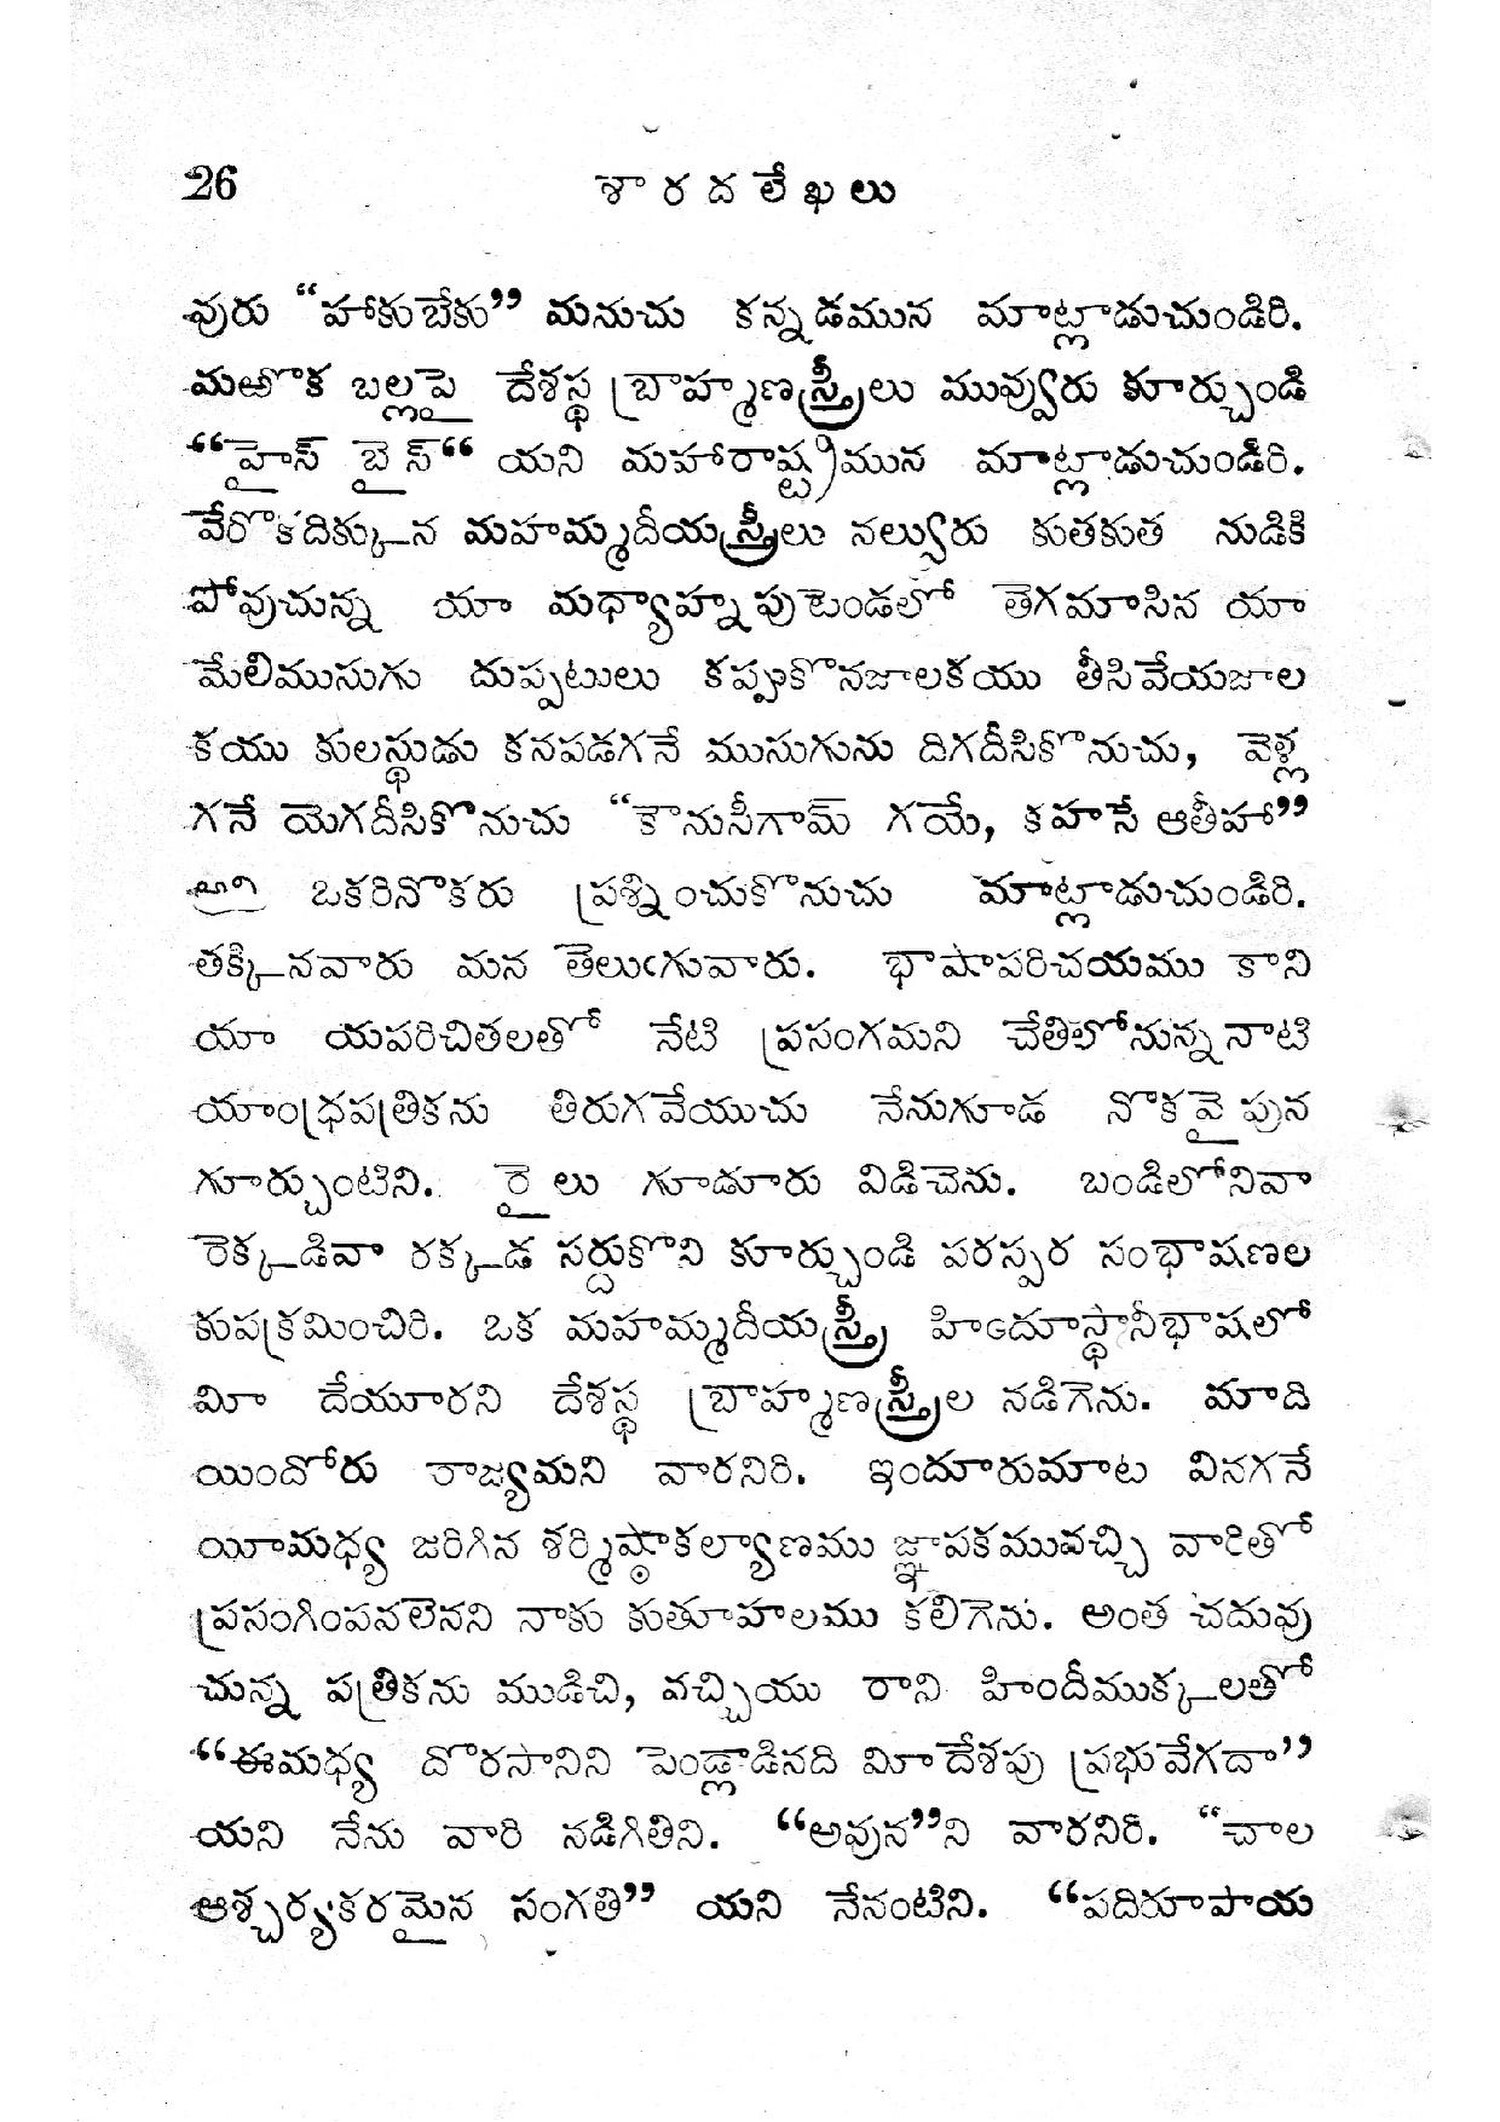వురు “హాకు బేకు” మనుచు కన్నడమున మాట్లాడుచుండిరి. మఱొక బల్లపై దేశస్థ బ్రాహ్మణస్త్రీలు మువ్వురు కూర్చుండి “హైస్ బైస్" యని మహారాష్ట్రమున మాట్లాడుచుండిరి. వేరొకదిక్కున మహమ్మదీయస్త్రీలు నల్వురు కుతకుత నుడికి పోవుచున్న యా మధ్యాహ్నపుటెండలో తెగమాసిన యా
మేలిముసుగు దుప్పటులు కప్పుకొనజాలకయు తీసివేయజాలకయు కులస్థుడు కనపడగనే ముసుగును దిగదీసికొనుచు, వెళ్లగనే యెగదీసికొనుచు "కౌనుసీగామ్ గయే, కహసే ఆతీహా" అని ఒకరినొకరు ప్రశ్నించుకొనుచు మాట్లాడుచుండిరి. తక్కినవారు మన తెలుఁగువారు. భాషాపరిచయము కాని యా యపరిచితలతో నేటి ప్రసంగమని చేతిలోనున్న నాటి యాంధ్రపత్రికను తిరుగవేయుచు నేనుగూడ నొకవైపున
గూర్చుంటిని. రైలు గూడూరు విడిచెను. బండిలోనివా రెక్కడివా రక్కడ సర్దుకొని కూర్చుండి పరస్పర సంభాషణల కుపక్రమించిరి. ఒక మహమ్మదీయస్త్రీ హిందూస్థానీభాషలో మీ దేయూరని దేశస్థ బ్రాహ్మణస్త్రీల నడిగెను. మాది యిందోరు రాజ్యమని వారనిరి. ఇందూరుమాట వినగానే యీమధ్య జరిగిన శర్మిష్ఠాకల్యాణము జ్ఞాపకమువచ్చి వారితో ప్రసంగింపవలెనని నాకు కుతూహలము కలిగెను. అంత చదువు
చున్న పత్రికను ముడిచి, వచ్చియు రాని హిందీముక్కలతో “ఈమధ్య దొరసానిని పెండ్లాడినది మీదేశపు ప్రభువేగదా” యని నేను వారి నడిగితిని. “అవున"ని వారనిరి. "చాల ఆశ్చర్యకరమైన సంగతి” యని నేనంటిని. "పదిరూపాయ